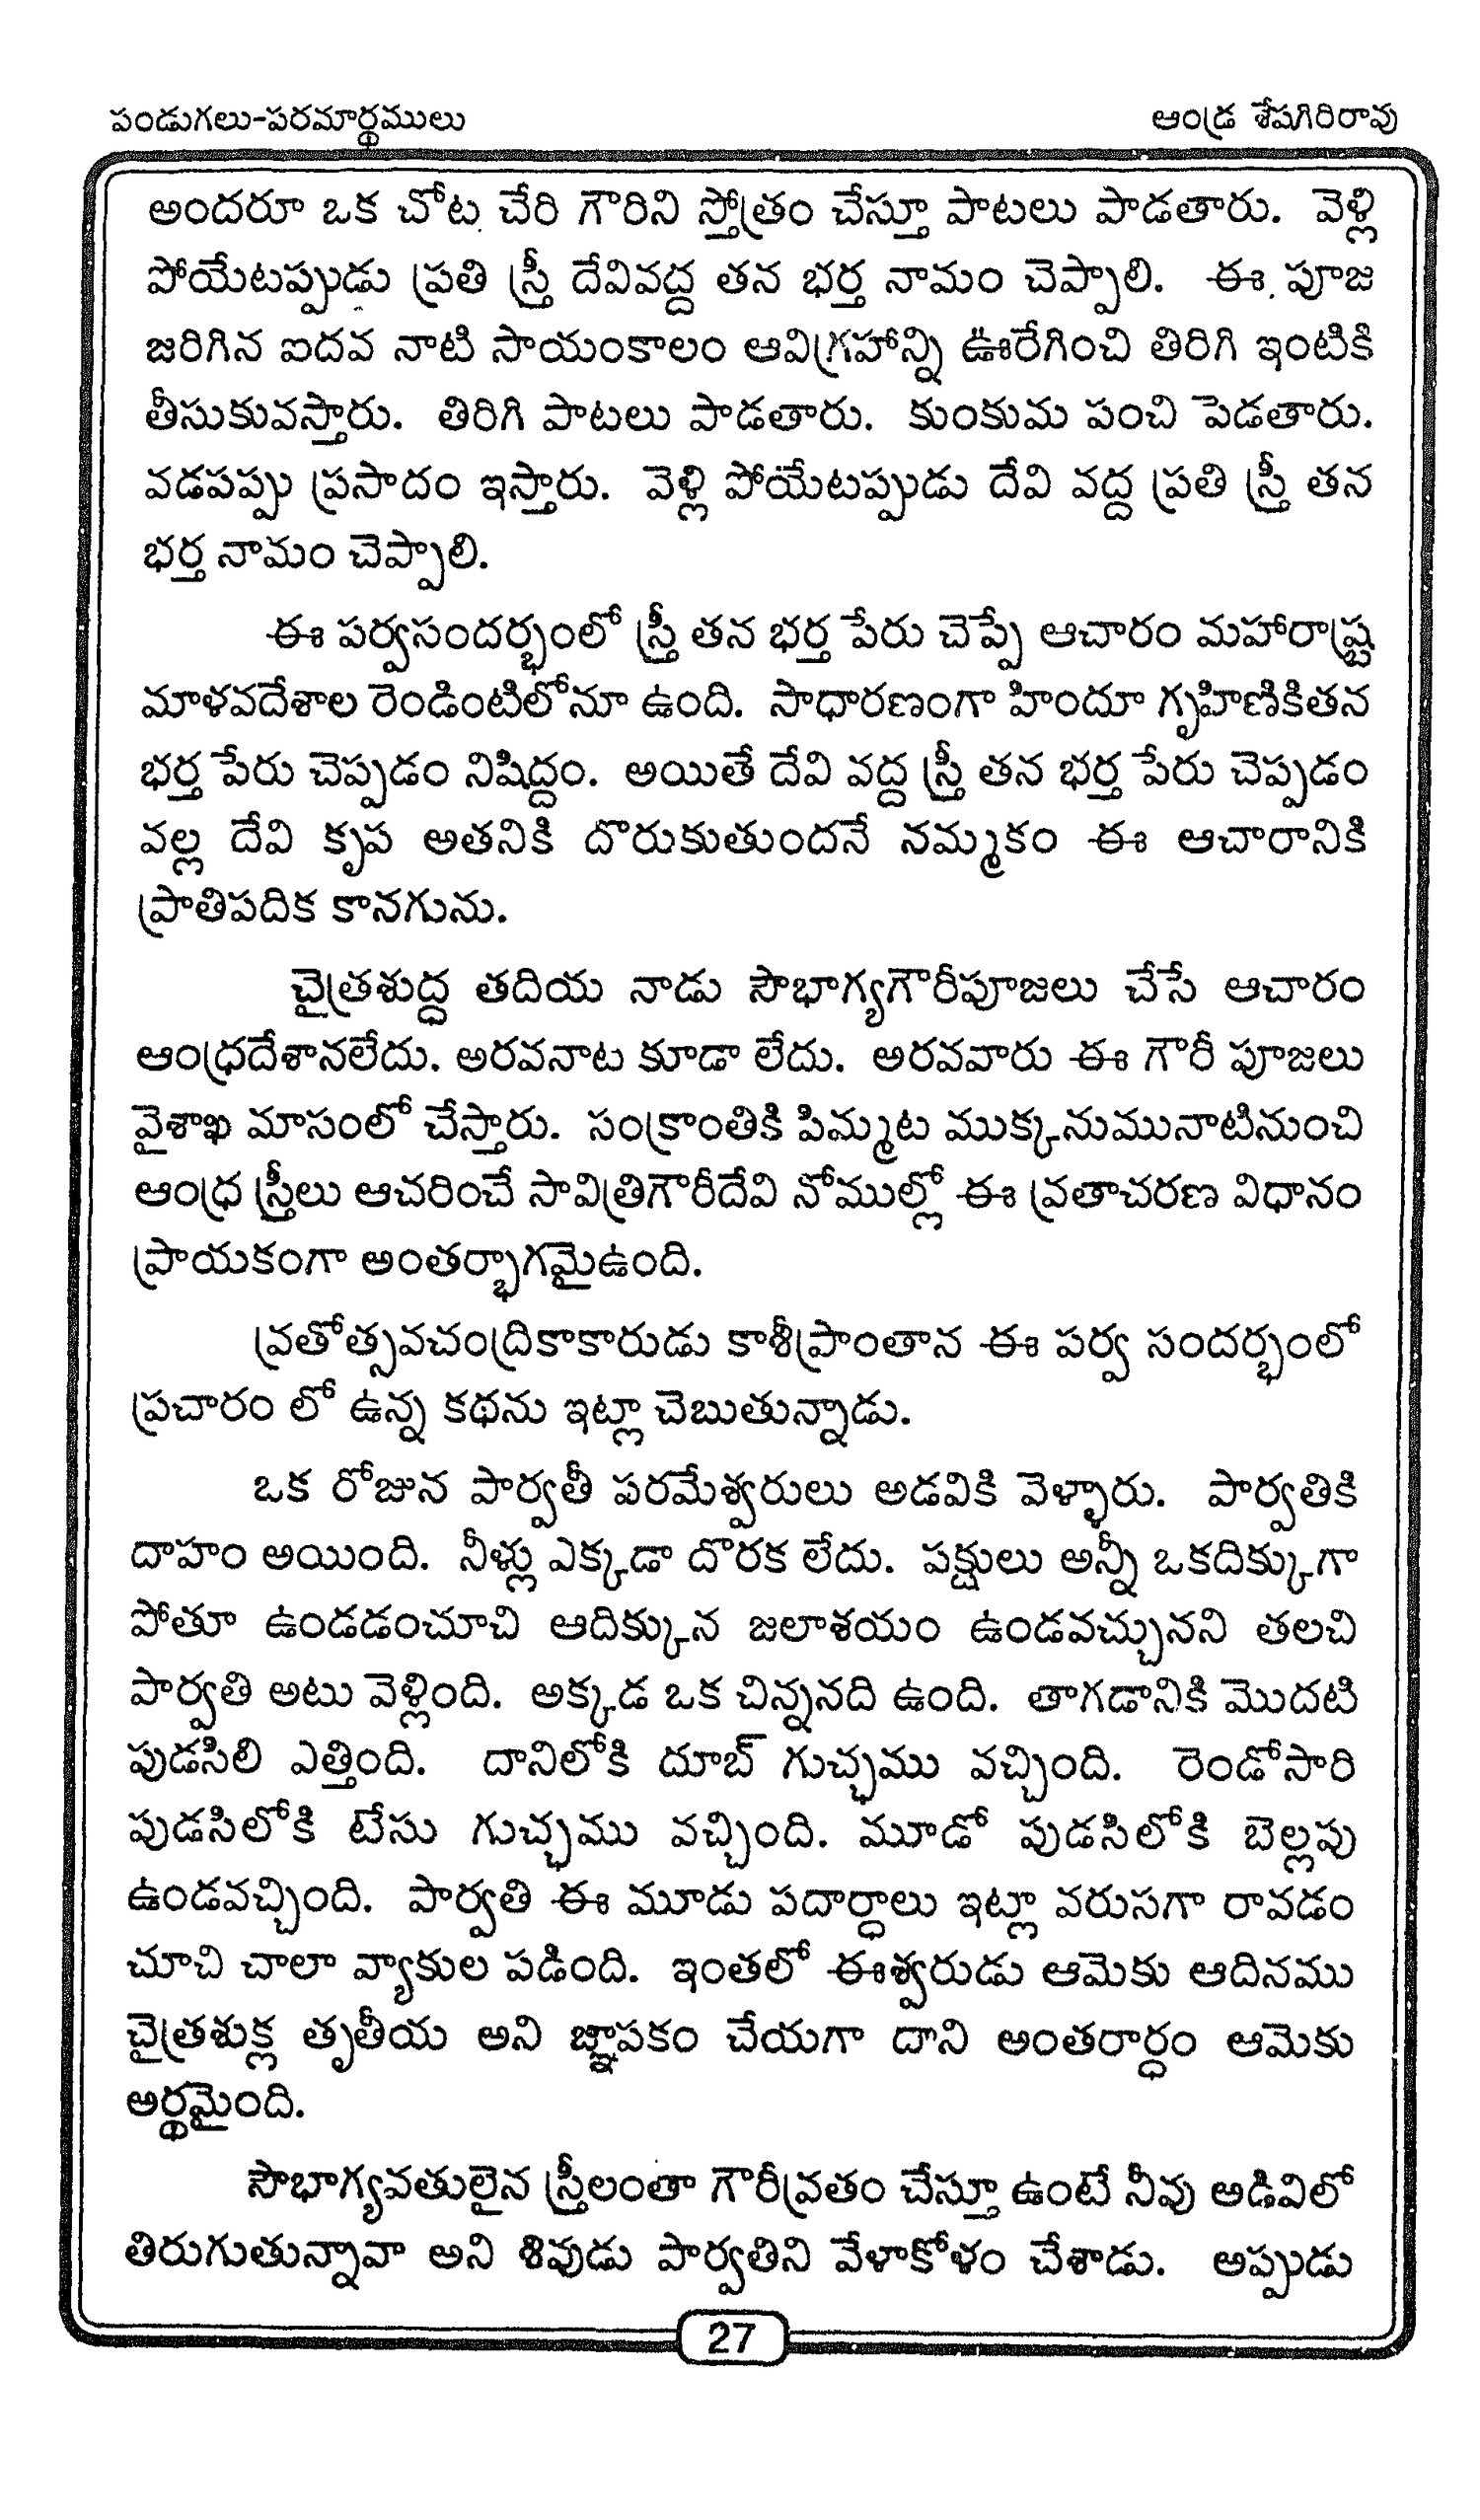అందరూ ఒక చోట చేరి గౌరిని స్తోత్రం చేస్తూ పాటలు పాడతారు. వెళ్లిపోయేటప్పుడు ప్రతి స్త్రీ దేవివద్ద తన భర్త నామం చెప్పాలి. ఈ పూజ జరిగిన ఐదవనాటి సాయంకాలం ఆ విగ్రహాన్ని ఊరేగించి తిరిగి ఇంటికి తీసుకువస్తారు. తిరిగి పాటలు పాడతారు. కుంకుమ పంచి పెడతారు. వడపప్పు ప్రసాదం ఇస్తారు. వెళ్లిపోయేటప్పుడు దేవి వద్ద ప్రతి స్త్రీ తన భర్త నామం చెప్పాలి.

ఈ పర్వసందర్భంలో స్త్రీ తన భర్త పేరు చెప్పే ఆచారం మహారాష్ట్ర మాళవదేశాల రెండింటిలోనూ ఉంది. సాధారణంగా హిందూ గృహిణికి తన భర్త పేరు చెప్పడం నిషిద్ధం. అయితే దేవి వద్ద స్త్రీ తన భర్త పేరు చెప్పడం నిషిద్ధం. అయితే దేవి వద్ద స్త్రీ తన భర్త పేరు చెప్పడం వల్ల దేవి కృప అతనికి దొరుకుతుందనే నమ్మకం ఈ ఆచారానికి ప్రాతిపదిక కానగును.

చైత్ర శుద్ధ తదియ నాడు సౌభాగ్యగౌరీపూజలు చేసే ఆచారం ఆంధ్రదేశాన లేదు. అరవనాట కూడా లేదు. అరవవారు ఈ గౌరీ పూజలు వైశాఖ మాసంలో చేస్తారు. సంక్రాంతికి పిమ్మట ముక్కనుమునాటి నుండి ఆంధ్ర స్త్రీలు ఆచరించే సావిత్రి గౌరీదేవి నోముల్లో ఈ వ్రతాచరణ విధానం ప్రాయకంగా అంతర్భాగమై ఉంది.

వ్రతోత్సవ చంద్రికాకారుడు కాశీప్రాంతాన ఈ పర్వ సందర్భంలో ప్రచారంలో వున్న కథను ఇట్లా చెబుతున్నాడు.

ఒక రోజున పార్వతీ పరమేశ్వరులు అడవికి వెళ్ళారు. పార్వతికి దాహం అయింది. నీళ్లు ఎక్కడా దొరకలేదు. పక్షులు అన్నీ ఒక దిక్కుగా పోతూ ఉండడం చూచి ఆ దిక్కున జలాశయం ఉండవచ్చునని తలచి పార్వతి అటు వెళ్లింది. అక్కడ ఒక చిన్ననది ఉంది. తాగడానికి మొదటి పుడసిలి ఎత్తింది దానిలోకి దూబ్ గుచ్ఛము వచ్చింది. రెండోసారి పుడసిలోకి టేసు గుచ్ఛము వచ్చింది. మూడో పుడసిలోకి బెల్లపు ఉండ వచ్చింది. పార్వతి ఈ మూడు పదార్థాలు ఇట్లా వరుసగా రావడం చూచి చాలా వ్యాకుల పడింది. ఇంతలో ఈశ్వరుడు ఆమెకు ఆ దినము చైత్ర శుక్ల తృతీయ అని జ్ఞాపకం చేయగా దాని అంతరార్థం ఆమెకు అర్థమైంది.

సౌభాగ్యవతులైన స్త్రీలంతా గౌరీవ్రతం చేస్తూ ఉంటే నీవు అడివిలో తిరుగుతున్నావా అని శివుడు పార్వతిని వేళాకోళం చేశాడు. అప్పుడు